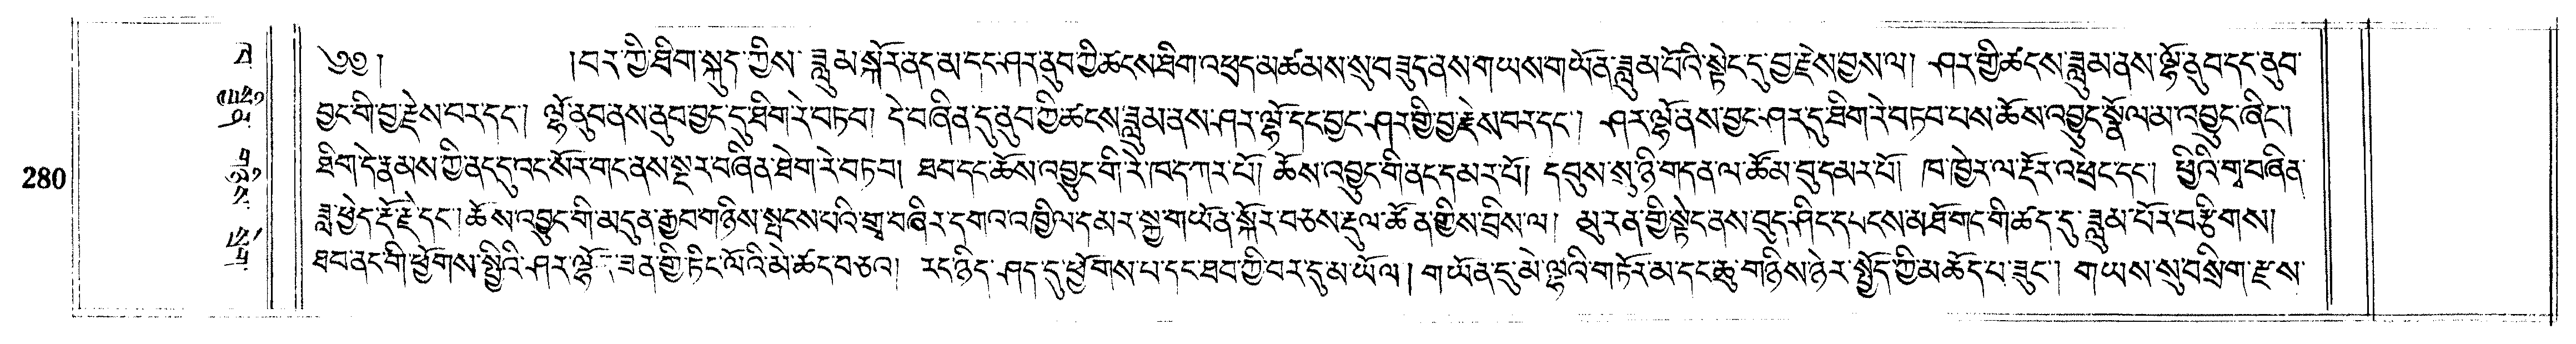༄༅། །བར་གྱི་ཐིག་སྐུད་ཀྱིས་ཟླུམ་?་སྐོར་ནང་མ་དང་ཤར་ནུབ་ཀྱི་ཚངས་ཐིག་འཕྲད་མཚམས་སུ་བཟུད་ནས་གཡས་གཡོན་ཟླུམ་པོའི་སྟེང་དུ་བྱ་རྗེས་བྱས་ལ། ཤར་གྱི་ཚངས་རླུམ་ནས་ལྷོ་ནུབ་དང་ནུབ་
བྱང་གི་བྱ་རྗེས་པར་དང་། ལྷོ་ནུབ་ནས་ནུབ་བྱང་དུ་ཐིག་རེ་བཏབ། དེ་བཞིན་དུ་ནུབ་ཀྱི་ཚངས་ཟླུམ་ནས་ཤར་ལྷོ་དང་བྱང་ཤར་གྱི་བྱ་རྗེས་བར་དང་། ཤར་ལྷོ་ནས་བྱང་ཤར་དུ་ཐིག་རེ་བཏབ་པས་ཆོས་འབྱུང་སྣོལ་མ་འབྱུང་ཞིང་།
ཐིག་དེ་རྣམས་གྱི་ནང་དུའང་སོར་གང་ནས་སྔར་བཞིན་ཐིག་རེ་བཏབ། ཐབ་དང་ཆོས་འབྱུང་གི་རེ་ཁ་དཀར་པོ། ཆོས་འབྱུང་གི་ནང་དམར་པོ། །དབུས་སུ་ཉི་གདན་ལ་ཚོམ་བུ་དམར་པོ། ཁ་བྱེར་ལ་རྡོང་འཕྲེང་དང་། ཕྱིའི་གྲ་བཞིང་
ཟླ་ཕྱེད་རྡོ་རྗེ་དང་། ཆོས་འབྱུང་གི་མདུན་རྒྱབ་གཉིས་སྤངས་པའི་གྲྭ་བོ་ཞིར་དགའ་འཁྱིལ་དམར་སྐྱ་གཡོན་སྐོར་བཅས་རྡུལ་ཚོན་གྱིས་བྲིས་ལ། མུ་རན་གྱི་སྟེང་ནས་བུད་ཤིང་དཔངས་མཐོ་གང་གི་ཚད་དུ་ཟླུམ་པོར་བརྩིགས།
ཐབ་ནང་གི་ཕྱོགས་སྤྱིའི་ཤར་ལྷོང་ཟན་གྱི་ཏིང་ལོའི་མེ་ཚང་བཅར། ?་རང་ཉིད་ཤར་དུ་ཕྱོགས་པ་དང་ཐབ་ཀྱི་བར་དུ་མེ་ཡོལ། གཡོན་དུ་མེ་ལྷའི་གཏོར་མ་དང་ཆུ་གཉིས་ཉེར་སྤྱོད་ཀྱི་མཆོད་པ་ཟུང་། གཡས་གུ་བསྲེག་རྫལ་?